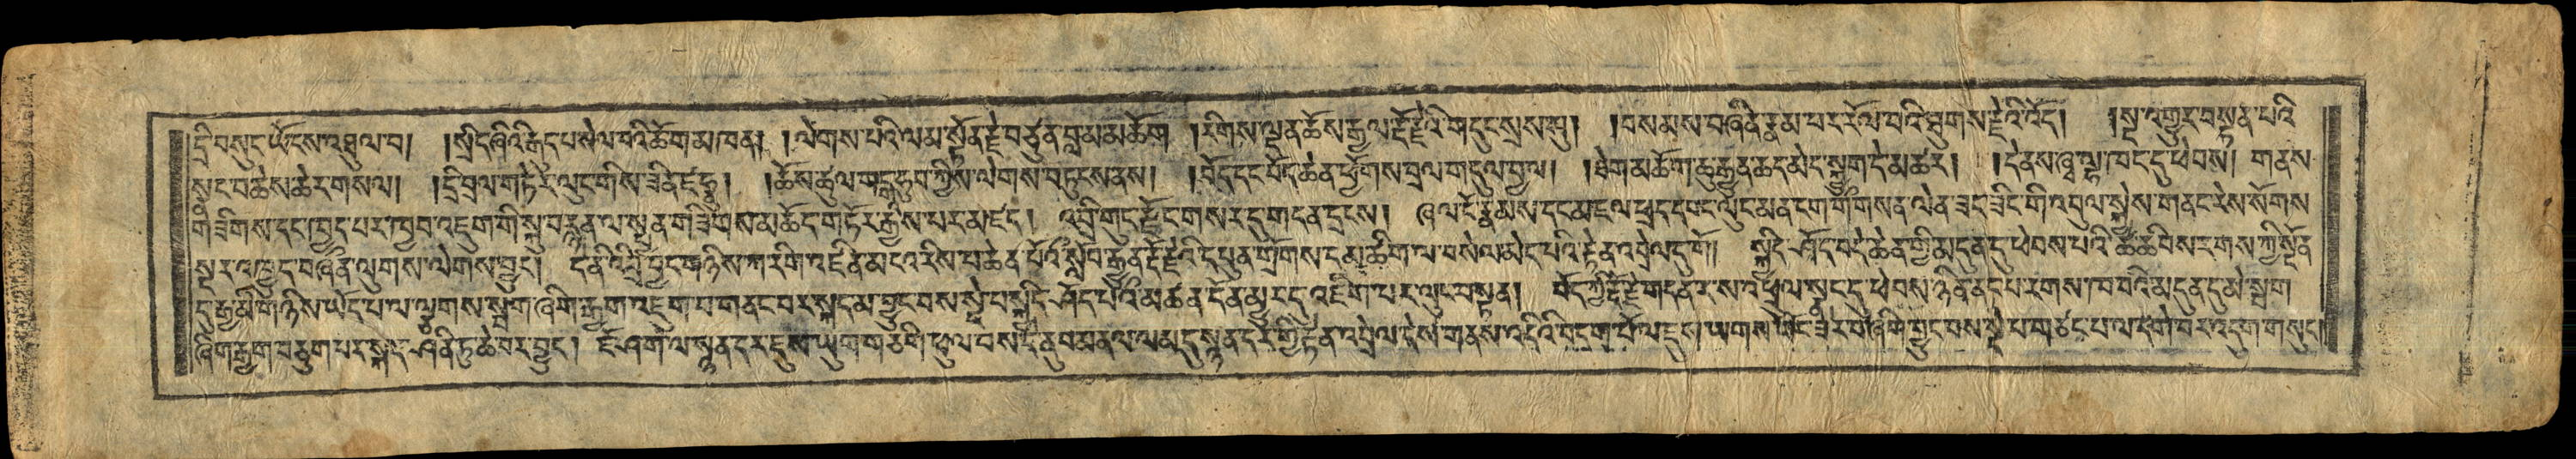དྲི་བསུང་ཡོངས་འཐུལ་བ། །སྲིད་ཞིའི་རྒུད་པ་སེལ་བའི་ཆོ་ག་མཁན། །ལེགས་པའི་ལམ་སྟོན་རྗེ་བཙུན་བླ་མ་མཆོག །རིགས་ལྡན་ཆོས་རྒྱལ་རྡོ་རྗེའི་གདུང་སྲས་སུ། །བསམས་བཞིན་རྣམ་པར་རོལ་བའི་ཐུགས་རྗེའི་འོད། །སྔ་འགྱུར་བསྟན་པའི་
སྣང་བ་ཆེས་ཆེར་གསལ། །དྲི་བྲལ་གཏེར་ལུང་གིས་ཟིན་ཇ་ཧཱུ། །ཆོས་ཚུལ་གངྒཱ་ཧུབ་ཀྱིས་ལེགས་བཏུངས་ནས། །བོད་དང་བོད་ཆེན་ཕྱོགས་བྲལ་གདུལ་བྱ་ལ། །ཐེག་མཆོག་ཆུ་རྒྱུན་ཆད་མེད་སྐྱུག་ངེ་མཚར། །དེ་ནས་ཞ་ལྷ་ཁང་དུ་ཕེབས། གནས་
གཟིགས་དང་ཁྱད་པར་ཁྱབ་འཇུག་གི་སྐུ་བརྙན་ལ་སྤྱན་གཟིགས་མཆོད་གཏོར་རྒྱས་པར་མཛད། འབྲི་གུང་རྫོང་གསར་དུ་གདན་དྲངས། ཞལ་ངོ་རྣམས་དང་མཇལ་ཕྲད་དབང་ལུང་མན་ངག་གྀ་གསན་ལེན་ཟང་ཟིང་གི་འབུལ་སྐྱེས་གནང་རེས་སོགས་
སྔར་འཁྱུད་བཞྀན་ལུགས་ལེགས་བྱུང་། དེ་ནི་འབྲི་བྱང་གཉིས་ཀ་རིག་འཛིན་མངའ་རིས་པ་ཆེན་པོཨཱྀ་སློབ་རྒྱུན་རྡོ་རྗེའི་དཔུན་གྲོགས་དམ་ཚིག་ལ་བསེལ་མེད་པའི་རྟེན་འབྲེལ་དུ་གོ། སྐྱིད་ཤོང་བདེ་ཆེན་གྱི་མདུན་དུ་ཕེབས་པའི་ཚེ་ཆིབས་རགས་ཀྱི་སྔོན་
དུ་རྒྱ་མི་གཉིས་ཡོད་པ་ལ་ལྕགས་སྦག་ཞིག་རྒྱག་འཇུག་པ་གནང་བར་སྐད་མ་བྱུང་བས་སྡེ་པ་སྐྱིད་ཤོད་པཱྀ་མཆན་དོན་མྱུར་དུ་འཇིག་པར་ལུང་བསྟན། བོད་ཀྱི་རྡོ་རྗེ་གདན་ར་ས་འཕྲུལ་སྣང་དུ་ཕེབས་ཉིན་ནང་པ་རགས་ཁ་བའི་མདུན་དུ་མེ་སྦག་
ཞིག་རྒྱག་བཅུག་པར་སྐད་ཤིན་ཏུ་ཆེ་བར་བྱུང་། ཇོ་ཤག་ལ་སྙན་དར་ཇུས་ཡུག་གཅིག་ཕུལ་བས་དེ་ནུབ་མནལ་ལམ་དུ་སྙན་དར་གྱི་རྟེན་འབྲེལ་དེས་གནས་འདིའི་བདག་པོ་ལ་ཇུས་ཡགས་ཡོང་ཟེར་བ་ཞིག་བྱུང་བས་སྡ་པ་གཙང་པ་ལ་དགེ་བར་འདུག་གསུང་